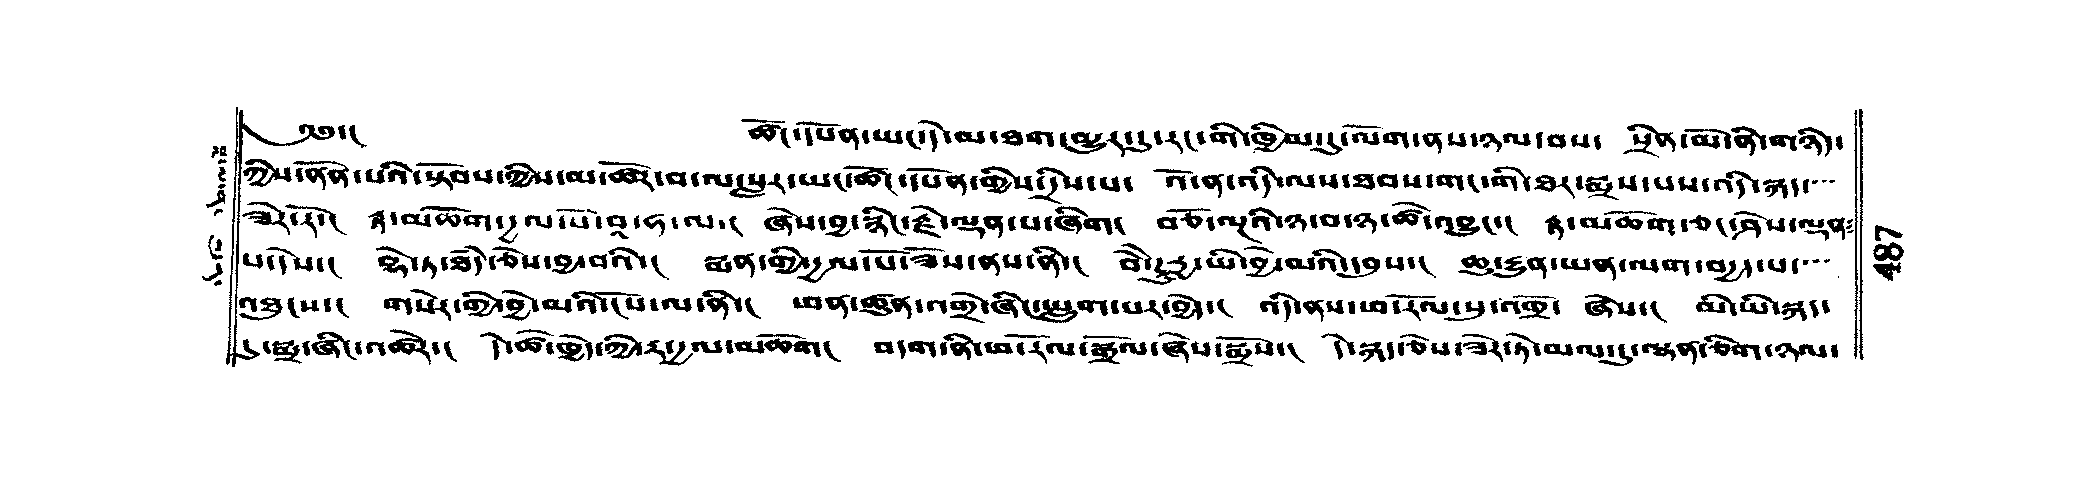ཚོང་དཔོན་ཡང་དེ་མ་ཐག་མྱུར་དུ་རང་གི་ཁྱིམ་དུ་ལོག་ནས་ཉལ་བས། སྲིན་མོ་ནི་གཉིད་
ཀྱིས་ནོན་པའི་སྟོབས་ཀྱིས་མ་ཚོར་བ་ལ་སླར་ཡང་ཚོང་དཔོན་གྱིས་དྲིས་པ། འོ་ན་འདི་ལས་ཐབས་གང་གི་ཐར་སྨྲས་པས་འདི་སྐད་
ཟེར་རོ། རྟ་མཆོག་རྒྱལ་པོ་བ་ལ་ཧ། །ཞེས་བྱ་སྙིང་རྗེ་ལྡན་པ་ཞིག །བཅོ་ལྔའི་ཟླ་བ་ཉ་ཚེ་འབྱུང་། །རྟ་མཆོག་ཅང་ཤེས་ལྡན་
པ་དེས། །བྷེ་ཏ་ཐམས་ཅད་ཅེས་བྱ་བའི། །སྨན་གྱི་རྒྱལ་པོ་ཟོས་ནས་ནི། །བཻ་ཌཱུརྻ་ཡི་བྱེ་མའི་དབུས། །ཆུ་རྒྱུན་ཡན་ལག་བརྒྱད་པ་
འཐུངས། །གསེར་གྱི་བྱེ་མའི་ངོས་ལ་ནི། །ཕན་ཚུན་འགྲོ་ཞིང་སྤྲུག་པར་བྱེད། །འདི་ནས་ཕ་རོལ་སུ་འགྲོ་ཞེས། །མི་ཡི་སྐད་
དུ་སྨྲ་ཞིང་འཚེར། །དེ་ཚེ་ཁྱེད་ཀྱི་རྟ་རྒྱལ་མཆོག །བདག་ནི་ཕ་རོལ་སྒྲོལ་ཞེས་སྨྲོས། དེ་སྐད་ཅེས་ཟེར་ཏེ་མལ་དུ་ལྷན་ཅིག་ཉལ་